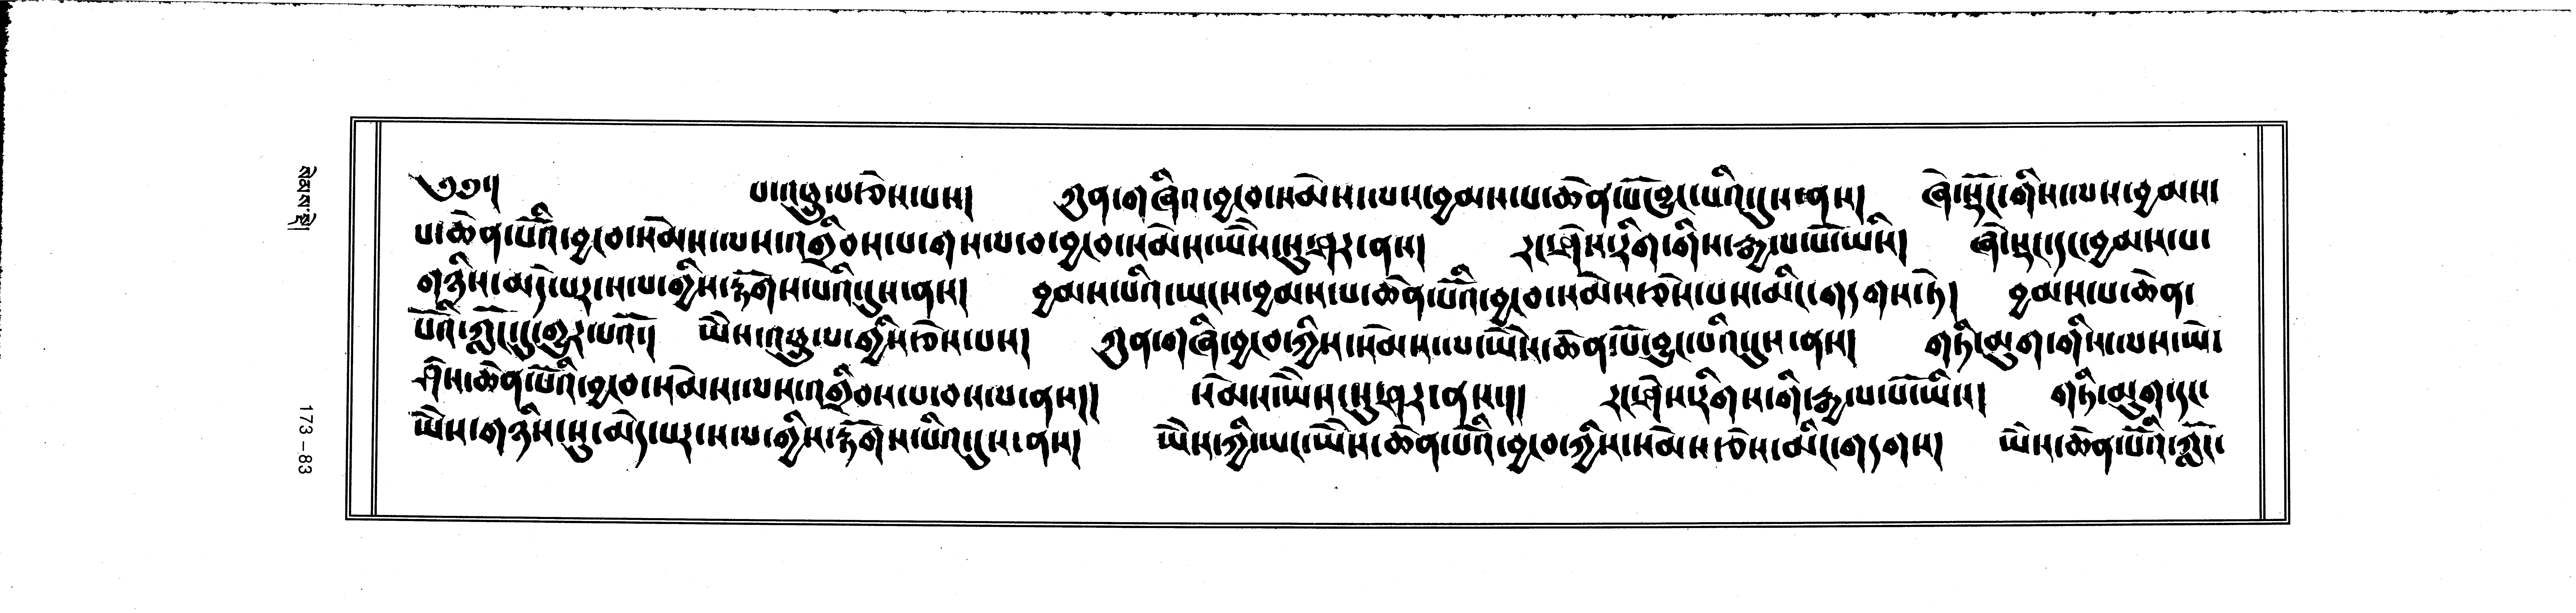པ་འཕྲུལ་ཅེས་པས། ཀུན་གཞི་བྱང་ཆུབ་སེམས་ལས་བྱམས་པ་ཆེན་པོ་འབྱུང་བའི་དུས་ནས། ཞེ་སྡང་གི་ལས་བྱམས་
པ་ཆེན་པོའི་བྱང་ཆུབ་སེམས་ལས་འགྲིབ་པ་བྱང་ཆུབ་སེམས་ཡེ་ཤེས་སུ་ཤར་ནས། རང་ཤེས་རིག་གི་རྒྱལ་པོ་ཡིས། ཞེ་སྡང་དང་བྱམས་པ་
གཉིས་སུ་མེད་པར་སལ་གྱིས་རྟོགས་པའི་དུས་ནས། བྱམས་པའི་ཡང་བྱམས་པ་ཆེན་པོའི་བྱང་ཆུབ་སེམས་ཅེས་པས་མིང་གདགས་ཏེ། བྱམས་པ་ཆེན་
པོའི་ཀློང་དུ་གྱུར་པའོ། །ཡེ་ཤེས་འཕྲུལ་གྱིས་ཅེས་པས། ཀུན་གཞི་བྱང་ཆུབ་ཀྱི་སེམས་ལ་ཡེ་ཤེས་ཆེན་པོ་བྱུང་བའི་དུས་ནས། གཏི་མུག་གི་ལས་ཡེ་
ཤེས་ཆེན་པོའི་བྱང་ཆུབ་སེམས་ལས་འགྲིབ་པ་བསལ་ནས། སེམས་ཡེ་ཤེས་སུ་ཤར་ནས། རང་ཤེས་རིག་གི་རྒྱལ་པོ་ཡིས། གཏི་མུག་དང་
ཡེ་ཤེས་གཉིས་སུ་མེད་པར་སལ་གྱིས་རྟོགས་པའི་དུས་ནས། ཡེ་ཤེས་ཀྱི་ཡང་ཡེ་ཤེས་ཆེན་པོའི་བྱང་ཆུབ་ཀྱི་སེམས་ཞེས་མིང་གདགས། ཡེ་ཤེས་ཆེན་པོའི་ཀློང་